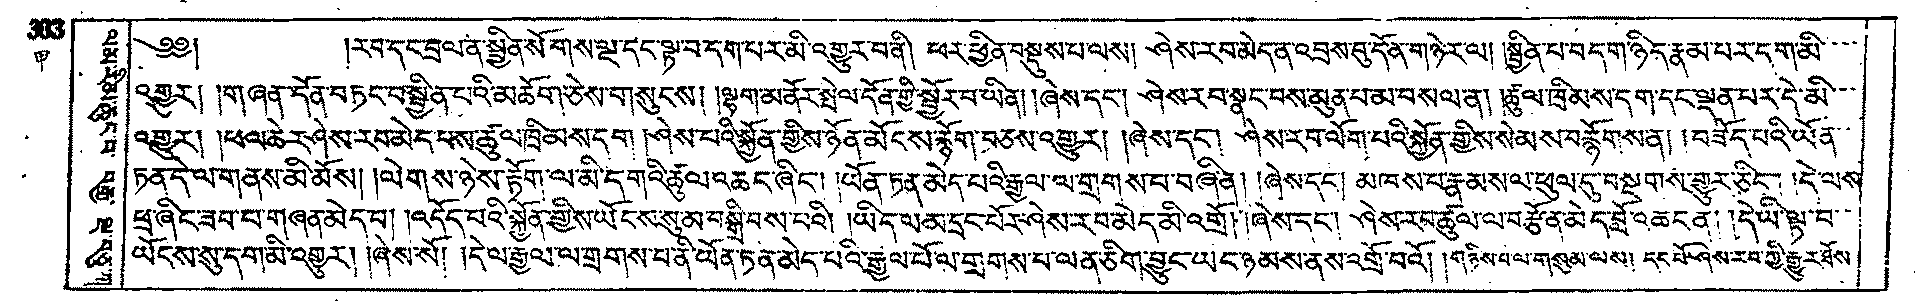༄༅། །རབ་དང་བྲལ་ན་སྦྱིན་སོགས་ལྔ་དང་ལྟ་བ་དག་པར་མི་འགྱུར་བ་ནི། ཕར་ཕྱིན་བསྡུས་པ་ལས། ཤེས་རབ་མེད་ན་འབྲས་བུ་དོན་གཉེར་ལ། །སྦྱིན་པ་བདག་ཉིད་རྣམ་པར་དག་མི་
འགྱུར། །གཞན་དོན་བཏང་བ་སྦྱིན་པའི་མཆོག་ཅེས་གསུངས། །ལྷག་མ་ནོར་སྤེལ་དོན་གྱི་སྦྱོར་བ་ཡིན། །ཞེས་དང་། ཤེས་རབ་སྣང་བས་མུན་པ་མ་བསལ་ན། །ཚུལ་ཁྲིམས་དག་དང་ལྡན་པར་དེ་མི་
འགྱུར། །ཕལ་ཆེར་ཤེས་རབ་མེད་པས་ཚུལ་ཁྲིམས་དག །ཤེས་པའི་སྐྱོན་གྱིས་ཉོན་མོངས་རྙོག་བཅས་འགྱུར། །ཞེས་དང་། ཤེས་རབ་ལོག་པའི་སྐྱོན་གྱིས་སེམས་བརྙོགས་ན། །བཟོད་པའི་ཡོན་
ཏན་དེ་ལ་གནས་མི་མོས། །ལེགས་ཉེས་རྟོག་ལ་མི་དགའི་ཚུལ་འཆང་ཞིང་། །ཡོན་ཏན་མེད་པའི་རྒྱལ་ལ་གྲགས་པ་བཞིན། །ཞེས་དང་། མཁས་པ་རྣམས་ལ་ཕུལ་དུ་བསྔགས་གྱུར་ཅིང་། །དེ་ལས་
ཕྲ་ཞིང་ཟབ་པ་གཞན་མེད་པ། །འདོད་པའི་སྐྱོན་གྱིས་ཡོངས་སུ་མ་བསྒྲིབས་པའི། །ཡིད་ལམ་དྲང་པོར་ཤེས་རབ་མེད་མི་འགྲོ། །ཞེས་དང་། ཤེས་རབ་ཚུལ་ལ་བརྩོན་མེད་བློ་འཆང་ན། །དེ་ཡི་ལྟ་བ་
ཡོངས་སུ་དག་མི་འགྱུར། །ཞེས་སོ། །དེ་ལ་རྒྱལ་ལ་གྲགས་པ་ནི་ཡོན་ཏན་མེད་པའི་རྒྱལ་པོ་ལ་གྲགས་པ་ལན་ཅིག་བྱུང་ཡང་ཉམས་ནས་འགྲོ་བའོ། །གཉིས་པ་ལ་གསུམ་ལས། དང་པོ་ཤེས་རབ་ཀྱི་རྒྱུར་ཐོས་